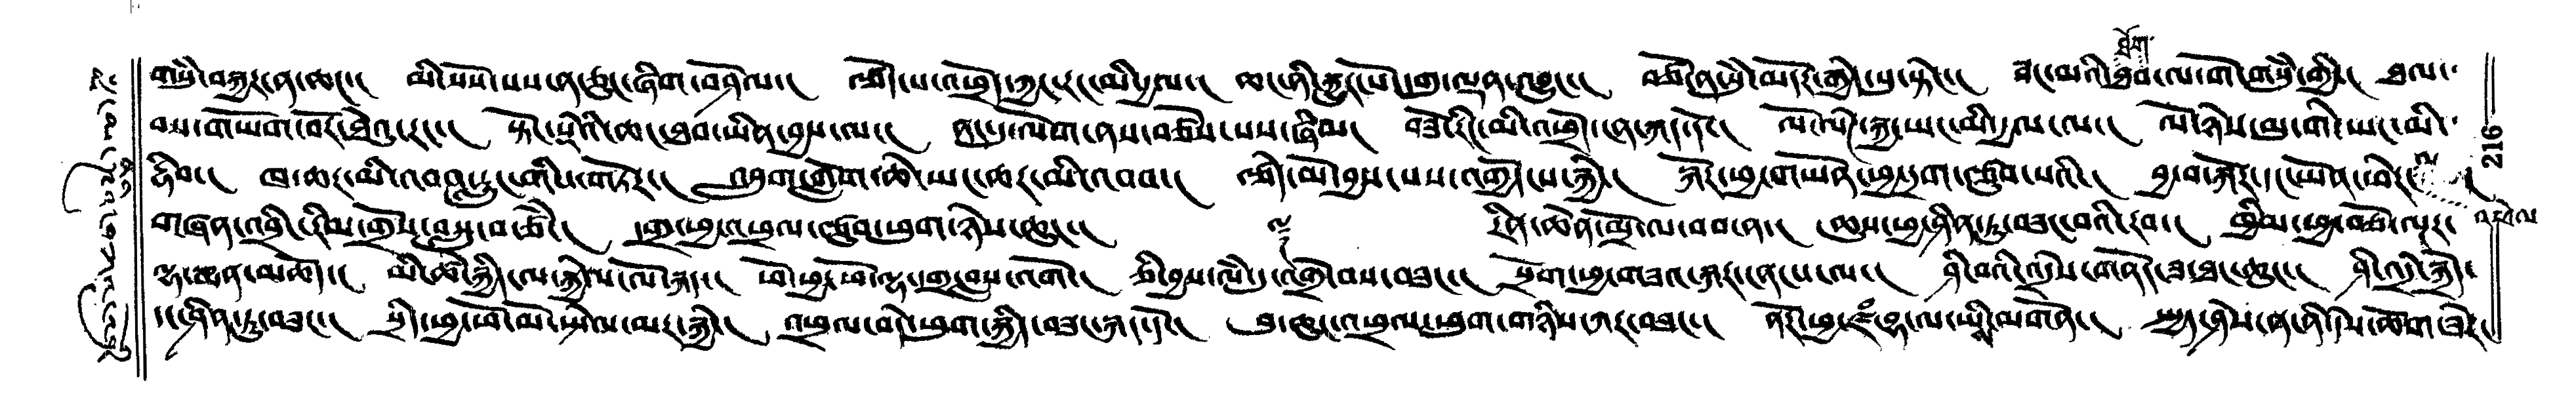གསུམ་བསྐྱར་ན་ཆགས། །མི་གསོས་པས་ན་ཅུང་ཞིག་བཤོལ། །རྩོད་པ་འཕྲོད་ཀྱང་རང་མི་རྒྱལ། །ཆང་ནི་སྐྱུར་པོ་དགུ་ལྡན་འབྱུང། །བཙོ་ན་སུམ་མདོར་སྒྱེད་པུུའི་སྟེང་། །སྦང་མའི་ཐོག་ལ་སྒོ་གསུམ་གྱི། །ཐལ་
བས་གཡོག་བོར་ཐེའུ་རང་། །སྟོང་སྡེའི་ཆང་ཐབ་ཡིན་བྱོས་ལ། །ནང་དུ་ལོག་ནས་བཙོས་པས་ཞིམ། །བཟོ་རིགས་མི་འཕྲོད་ངན་སྐད་དོ། །ལོ་ལེགས་སྐྱ་ཡང་མི་རྒྱལ་ལ། །ལོ་ཉེས་མུ་གེས་ཡང་མི་
རྡིབ། ཁ་ཆར་མི་འབབ་རླུང་གིས་གཏོར། །འབྲུག་གློག་ཆེ་ཡང་ཆར་མི་འབབ། །རྩེད་མོ་བྱས་པས་འགྱོད་པ་སྐྱེ། །སྐོར་ཕྱྭ་ཡོན་ཕྱྭ་དྲག་རྩུབ་པའི། །བྱ་བ་སྐོར་དང་ཡོན་འཕེལ་ལ། །
གཞན་འབྲིང་རིམ་གྲོས་བསླུ་བ་ཙམ། །དགྲ་ཕྱྭ་འཕྲལ་རྩུབ་ཕུགས་ཉེས་ཆུང་། ༈ རིན་ཆེན་མཁའ་འགྲོ་ལ་བབ་ན། །ཆུས་ཕྱྭ་ཤིན་ཏུ་བཟང་བའི་རབ། །ཁྱིམ་ཕྱྭ་བཅོ་ལྔར་
ལྷ་སྨན་མཆོད། །མི་ཚེ་སྐྱིད་ལ་སྐྱེལ་ལོ་སྐད། །ཕོ་ཕྱྭ་ཕོ་ལྷ་དགྲ་བླ་འགོ །ཅི་བྱས་ལམ་དུ་འགྲོ་བས་བཟང་། །སྲོག་ཕྱྭ་གཟའ་སྐང་ན་པ་ལ། །ཤི་བའི་འདྲེས་གནོད་ཟ་ཐང་ཆུང་། །ཤི་འདྲེ་སྐྲོད་
དང་ཤིན་ཏུ་བཟང་། །སྲིད་ཕྱྭ་ཕོ་མོ་སྤེལ་མར་སྐྱེ། །འཕྲལ་བདེ་ཕུགས་སྐྱིད་བཟང་སྐད་དོ། །བུ་ཆུང་འཕྲལ་ཕུག་གཉིས་ཀར་བཟང་། །ནོར་ཕྱྭ་ཛཾ་བྷ་ལ་ཡིས་མགོན། །སྤྱོད་ཤེས་ན་ནི་དེས་ཆོག་ཟེར།